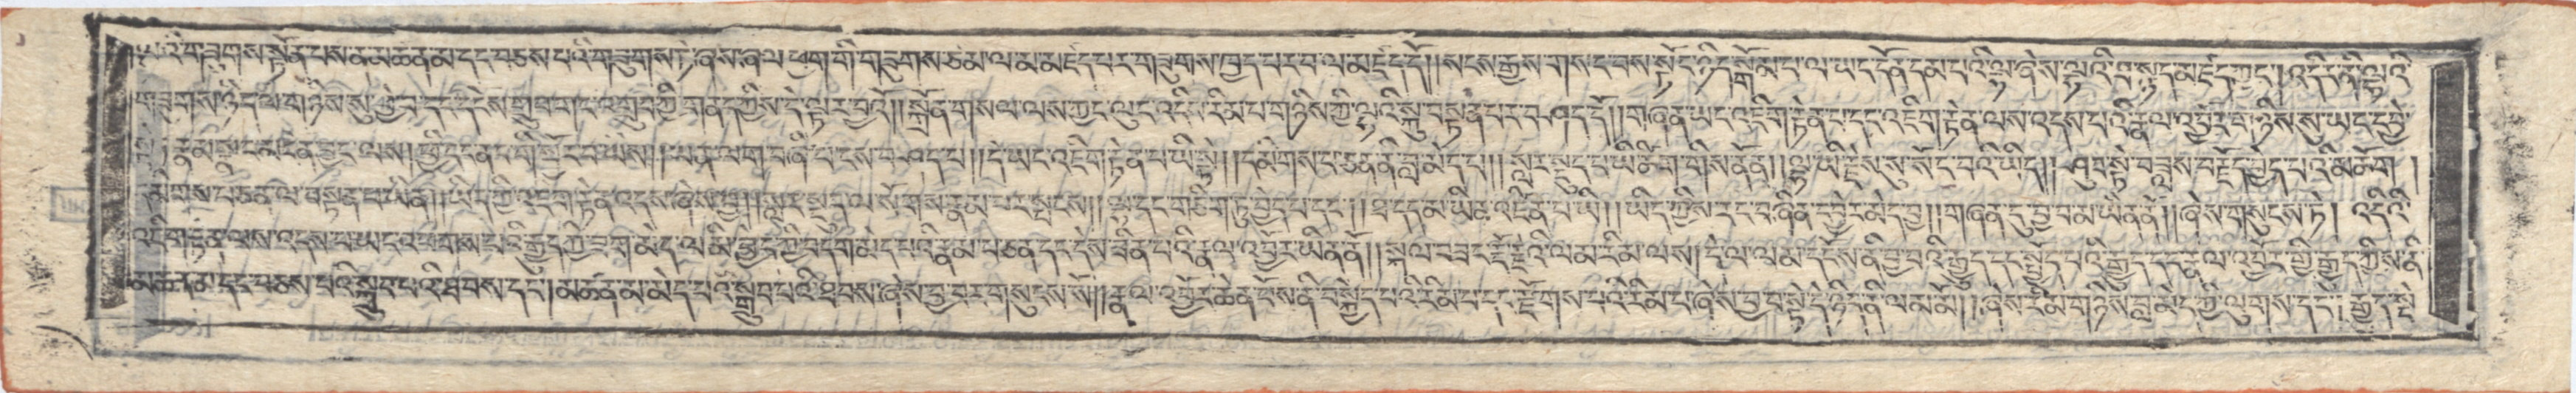ལྷའི་གཟུགས་སྟོན་པས་ན་མཚན་མ་དང་བཅས་པའི་གཟུགས་ཏེ་ཞེས་ཞལ་ཕྱག་གི་གཟུགས་ཙམ་ལ་མ་མཛད་པར་གཟུགས་ཁྱད་པར་བ་ལ་མཛད་དོ། །སངས་རྒྱས་གསང་བས་སྟོང་ཉིད་སྒོམ་པ་ལ་ཡང་དོན་དམ་པའི་ལྷ་ཞེས་ལྷའི་ཐ་སྙད་མཛད་ཀྱང་། འདིར་ནི་ལྷའི་
གཟུགས་ཉིད་ལ་གཉིས་སུ་ཕྱེ་བ་དང་དངོས་གྲུབ་གང་འགྲུབ་ཀྱི་གནད་ཀྱིས་དེ་ལྟར་བྱའོ། །སྒྲོན་གསལ་ལས་ཀྱང་ལུང་འདིས་རིམ་པ་གཉིས་ཀྱི་ལྷའི་སྐུ་བསྟན་པར་བཤད་དོ། །གཞན་ཡང་འཇིག་རྟེན་པ་དང་འཇིག་རྟེན་ལས་འདས་པའི་རྣལ་འབྱོར་གཉིས་སུ་ཡང་དབྱེ་
སྟེ༑ རྣམ་སྣང་མངོན་བྱང་ལས། ཕྱི་དང་ནང་གི་སྦྱོར་བ་ཡིས། །ཡན་ལག་བཞི་པ་ངེས་བཤད་པ། །དེ་ཡང་འཇིག་རྟེན་པ་ཡི་སྟེ། །དམིགས་པ་ཅན་ནི་བླ་མེད་པ། །སླར་སྡུད་པ་ཡི་ཚིག་གིས་ནོན། །ལྷ་ཡི་རྗེས་སུ་སོང་བའི་ཡིད། །ཤུབ་སྟེ་བཟླས་བརྗོད་བྱེད་པའི་མཆོག །
དམིགས་པ་ཅན་ལ་བསྟན་པ་ཡིན། །ཡིད་ཀྱི་འཇིག་རྟེན་འདས་ཞེས་བྱ། །སླར་སྡུད་ལ་སོགས་རྣམ་པར་སྤངས། །ལྷ་དང་གཅིག་ཏུ་བྱེད་པ་དང་། །ཐ་དད་མ་ཡིན་འཛིན་པ་ཡི། །ཡིད་ཀྱིས་རང་བཞིན་དབྱེར་མེད་བྱ། །གཞན་དུ་བྱ་བ་མ་ཡིན་ནོ། །ཞེས་གསུངས་ཏེ། འདིའི་
འཇིག་རྟེན་ལས་འདས་པ་ཡང་འཕགས་པའི་རྒྱུད་ཀྱི་ཟག་མེད་ལ་མི་བྱེད་ཀྱི་བདག་མེད་པའི་རྣམ་པ་ཅན་དང་དེས་ཟིན་པའི་རྣལ་འབྱོར་ཡིན་ནོ། །སྐལ་བཟང་རྡོ་རྗེའི་ལམ་རིམ་ལས། དེ་ལ་ལམ་དངོས་ནི་བྱ་བའི་རྒྱུད་དང་སྤྱོད་པའི་རྒྱུད་དང་རྣལ་འབྱོར་གྱི་རྒྱུད་ཀྱིས་ནི་
མཚན་མ་དང་བཅས་པའི་སྒྲུབ་པའི་ཐབས་དང་། མཚན་མ་མེད་པའི་སྒྲུབ་པའི་ཐབས་ཞེས་བྱ་བར་གསུངས་སོ། །རྣལ་འབྱོར་ཆེན་པོས་ནི་བསྐྱེད་པའི་རིམ་པ་དང་རྫོགས་པའི་རིམ་པ་ཞེས་བྱ་བ་སྟེ་དེ་ཉིད་ནི་ལམ་མོ། །ཞེས་རིམ་གཉིས་བླ་མེད་ཀྱི་ལུགས་དང་། རྒྱུད་སྡེ་